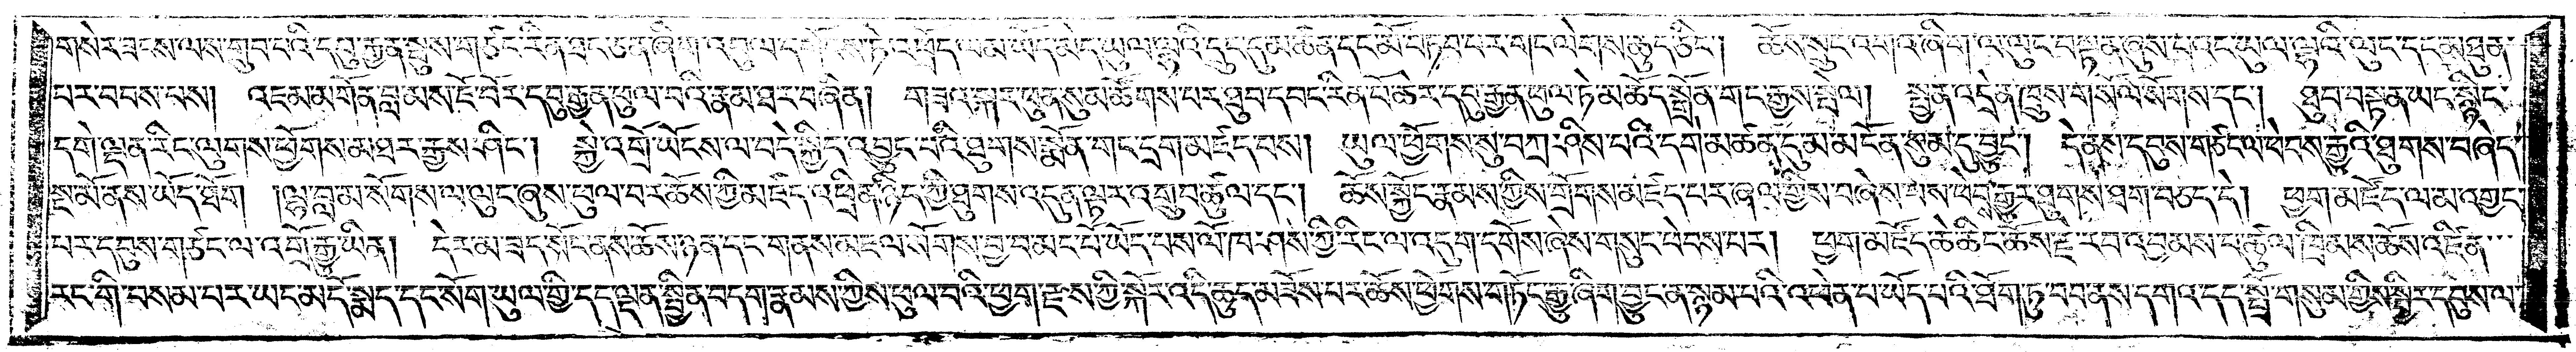གསེར་ཟངས་ལས་གྲུབ་པའི་དབུ་རྒྱན་སྤུས་གཙང་རིན་ཐང་ཅན་ཞིག་འབུལ་དགོངས་ཏེ་འཕྲོད་ལམ་ཡོད་མེད་ཡུལ་ལྷའི་དྲུང་དུ་མཚན་དང་མོ་བཏབ་པར་གང་ལེགས་ཆུད་ཅིང་། ཆོས་སྲུང་འགའ་ཞིག་ལ་ལུང་བསྟན་ཞུས་པའང་ཡུལ་ལྷའི་ལུང་དང་མཐུན་
བར་བབས་པས། འཇམ་མགོན་བླ་མས་ཇོ་བོར་དབུ་རྒྱན་ཕུལ་བའི་རྣམ་ཐར་བཞིན། གཟའ་སྐར་ཕུན་སུམ་ཚོགས་བར་ཐུབ་དབང་རིན་པོ་ཆེར་དབུ་རྒྱན་ཕུལ་ཏེ་མཆོད་སྒྲོན་གང་རྒྱས་སྤེལ། སྤྱན་འདྲེན་ཁྲུས་གསོལ་སོགས་དང་། ཐུབ་བསྟན་ཡང་སྙིང་
དགེ་ལྡན་རིང་ལུགས་ཕྱོགས་མཐར་རྒྱས་ཤིང་། སྐྱེ་འགྲོ་ཡོངས་ལ་བདེ་སྐྱིད་འབྱུང་བའི་ཐུགས་སྨོན་གང་དྲག་མཛད་པས། ཡུལ་ཕྱོགས་སུ་བཀྲ་ཤིས་པའི་དགེ་མཚན་དུ་མ་མངོན་སུམ་དུ་བྱུང་། དེ་ནས་དབུས་གཙང་ལ་ཕེབས་རྒྱུའི་ཐུགས་བཞེད་
སྔ་མོ་ནས་ཡོད་ཐོག །ལྷ་བླ་མ་སོགས་ལ་ལུང་ཞུས་ཕུལ་བར་ཆོས་ཀྱི་མཛད་འཕྲིན་ཉིད་ཀྱི་ཐུགས་འདུན་ལྟར་འགྲུབ་ཚུལ་དང་། ཆོས་སྐྱོང་རྣམས་ཀྱིས་གྲོགས་མཛད་བར་ཞལ་གྱིས་བཞེས་པས་ཕེབ་རྒྱུར་ཐུགས་ཐག་བཅད་དེ། ཕྱག་མཛོད་ལམ་འགྱད་
པར་དབུས་གཙང་ལ་འགྲོ་རྒྱུ་ཡིན། དེར་མ་ཟད་སོང་ནས་ཆོས་ཉན་དང་གནས་མཇལ་སོགས་བྱ་བ་མང་པོ་ཡོད་པས་ལོ་ཁ་ཤས་ཀྱི་རིང་ལ་འདུག་དགོས་ཞེས་གསུང་ཕེབས་པར། ཕྱག་མཛོད་ཆེ་ཆིང་ཆོས་རྗེ་རབ་འབྱམས་པ་ཚུལ་ཁྲིམས་ཆོས་འཛིན་
རང་གི་བསམ་བར་ཡང་མདོ་སྨད་དང་སོག་ཡུལ་གྱི་དད་ལྡན་སྦྱིན་བདག་རྣམས་ཀྱིས་ཕུལ་བའི་ཕྱག་རྫས་ཀྱི་སྐོར་འདི་ཆུད་མྯོས་བར་ཆོས་ཕྱོགས་གཏོང་རྒྱུ་ཞིག་བྱུང་ན་སྙམ་པའི་འཕེན་པ་ཡོད་པའི་ཐོག་ཏུ་བབ་ནས་དགའ་དད་སྤྲོ་གསུམ་གྱིས་སྦྱིར་དབུས་ལ་